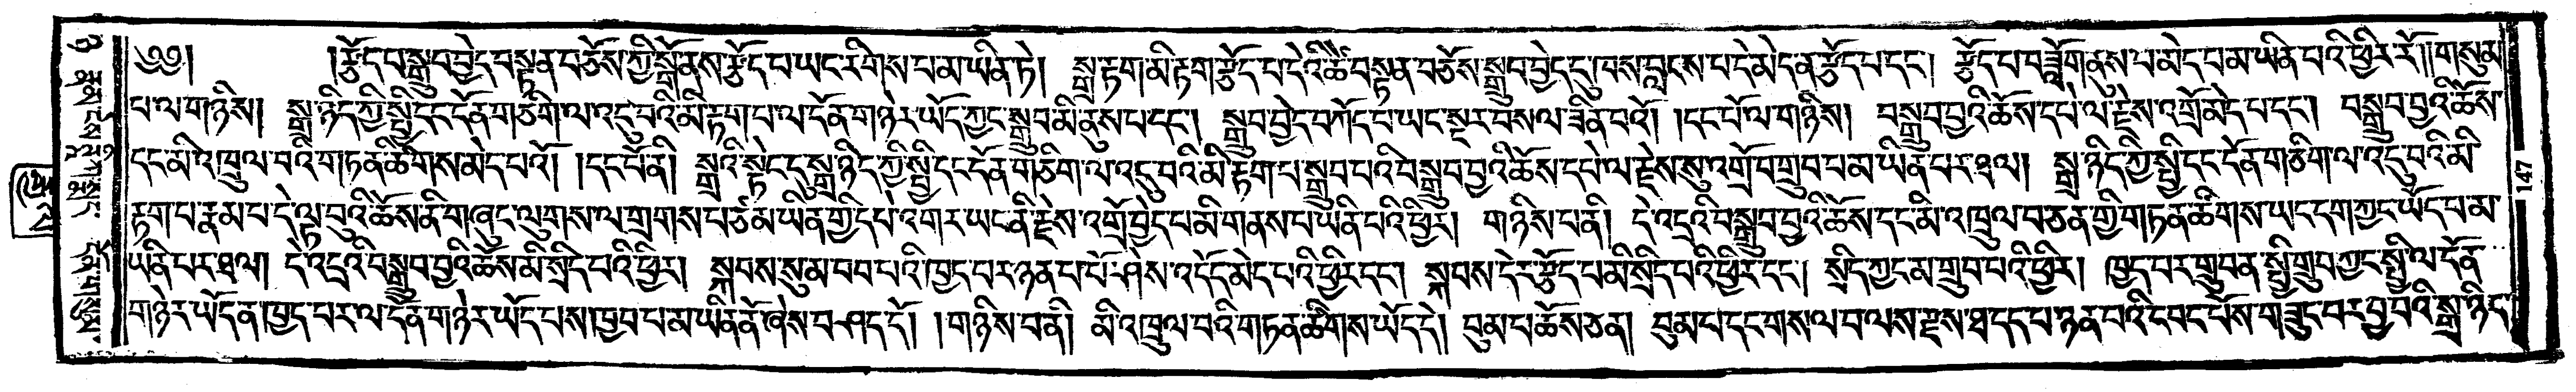༄༅། །རྩོད་པ་སྒྲུབ་བྱེད་བསྟན་བཅོས་ཀྱི་སྒོ་ནས་རྩོད་པ་ཡང་རིགས་པ་མ་ཡིན་ཏེ། སྒྲ་རྟག་མི་རྟག་རྩོད་པ་དེའི་ཚེ་བསྟན་བཅོས་སྒྲུབ་བྱེད་དུ་ཁས་བླངས་པ་དེ་མེད་ན་རྩོད་པ་དང་། རྩོད་པ་བཟློག་ནུས་པ་མེད་པ་མ་ཡིན་པའི་ཕྱིར་རོ། །གསུམ་
པ་ལ་གཉིས། སྒྲ་ཉིད་ཀྱི་སྤྱི་དང་དོན་གཅིག་ལ་འདུ་བའི་མི་རྟག་པ་ལ་དོན་གཉེར་ཡོད་ཀྱང་སྒྲུབ་མི་ནུས་པ་དང་། སྒྲུབ་བྱེད་བཀོད་པ་ཡང་སྔར་བསལ་ཟིན་པའོ། །དང་པོ་ལ་གཉིས། བསྒྲུབ་བྱའི་ཆོས་དཔེ་ལ་རྗེས་འགྲོ་མེད་པ་དང་། བསྒྲུབ་བྱའི་ཆོས་
དང་མི་འཁྲུལ་བའི་གཏན་ཚིགས་མེད་པའོ། །དང་པོ་ནི། སྒྲའི་སྟེང་དུ་སྒྲ་ཉིད་ཀྱི་སྤྱི་དང་དོན་གཅིག་ལ་འདུ་བའི་མི་རྟག་པ་སྒྲུབ་པའི་བསྒྲུབ་བྱའི་ཆོས་དཔེ་ལ་རྗེས་སུ་འགྲོ་བ་གྲུབ་བ་མ་ཡིན་པར་ཐལ། སྒྲ་ཉིད་ཀྱི་སྤྱི་དང་དོན་གཅིག་ལ་འདུ་བའི་མི་
རྟག་པ་རྣམ་པ་དེ་ལྟ་བུའི་ཆོས་ནི་གཞུང་ལུགས་ལ་གྲགས་པ་ཙམ་ཡིན་གྱི་དཔེ་འགར་ཡང་ནི་རྗེས་འགྲོ་བྱེད་པ་མི་གནས་པ་ཡིན་པའི་ཕྱིར། གཉིས་པ་ནི། དེ་འདྲའི་བསྒྲུབ་བྱའི་ཆོས་དང་མི་འཁྲུལ་བ་ཅན་གྱི་གཏན་ཚིགས་ཡང་དག་ཀྱང་ཡོད་པ་མ་
ཡིན་པར་ཐལ། དེ་འདྲའི་བསྒྲུབ་བྱའི་ཆོས་མི་སྲིད་པའི་ཕྱིར། སྐབས་སུ་མ་བབ་པའི་ཁྱད་པར་ཉན་པ་པོ་ཤེས་འདོད་མེད་པའི་ཕྱིར་དང་། སྐབས་དེར་རྩོད་པ་མི་སྲིད་པའི་ཕྱིར་དང་། སྲིད་ཀྱང་མ་གྲུབ་པའི་ཕྱིར། ཁྱད་པར་གྲུབ་ན་སྤྱི་གྲུབ་ཀྱང་སྤྱི་ལ་དོན་
གཉེར་ཡོད་ན་ཁྱད་པར་ལ་དོན་གཉེར་ཡོད་པས་ཁྱབ་པ་མ་ཡིན་ནོ་ཞེས་བཤད་དོ། །གཉིས་པ་ནི། མི་འཁྲུལ་བའི་གཏན་ཚིགས་ཡོད་དེ། བུམ་པ་ཆོས་ཅན། བུམ་པ་དང་གསལ་བ་ལས་རྫས་ཐ་དད་པ་ཉན་བའི་དབང་པོས་གཟུང་བར་བྱ་བའི་སྒྲ་ཉིད་